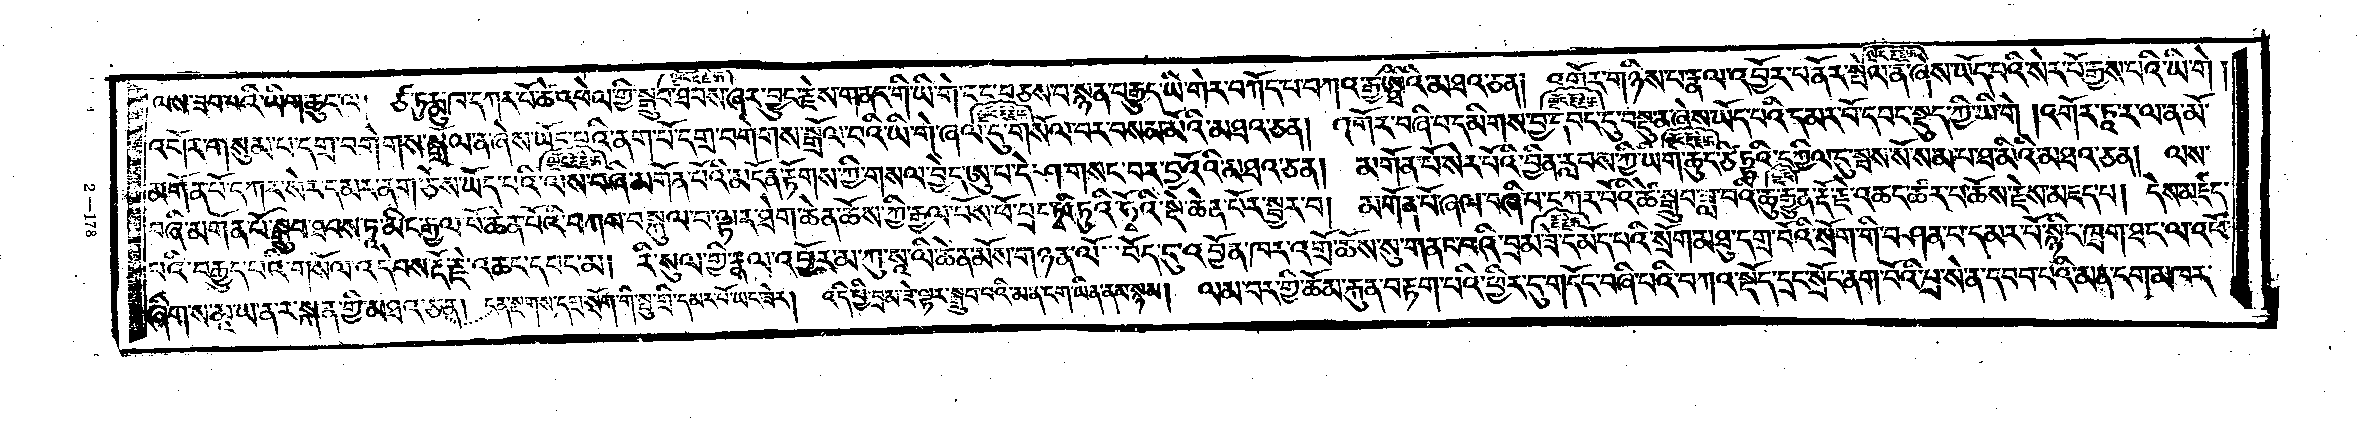ལས་ཟབ་པའི་ཡིག་ཆུང་ལ། ཙ་ཏུ་རྨུ་ཁ་དཀར་པོ་ཚེ་འཕེལ་གྱི་སྒྲུབ་ཐབས་ཞར་བྱུང་རྗེས་གནང་གི་ཡི་གེ་དང་བཅས་པ་སྙན་བརྒྱུད་ཡི་གེར་བཀོད་པ་བཀའ་རྒྱ་ཨིཐིའི་མཐའ་ཅན། འགོར་གཉིས་པ་རྣལ་འབྱོར་པ་ནོར་སྤེལ་ན་ཞེས་ཡོད་པའི་སེར་པོ་རྒྱས་པའི་ཡི་གེ།
འགོར་གསུམ་པ་དགྲ་བགེགས་སྒྲོལ་ན་ཞེས་ཡོད་པའི་ནག་པོ་དགྲ་བགེགས་སྒྲོལ་བའི་ཡི་གེ་ཞལ་དུ་གསོལ་བར་བསམ་མོའི་མཐའ་ཅན། འགོར་བཞི་པ་དམིགས་བྱ་དབང་དུ་བསྡུ་ན་ཞེས་ཡོད་པའི་དམར་པོ་དབང་སྡུད་ཀྱི་ཡི་གེ། འགོར་ཏཱ་ར་ལ་ན་མོ་
མགོན་པོ་དཀར་སེར་དམར་ནག་ཅེས་ཡོད་པའི་ལས་བཞི་མགོན་པོའི་མངོན་རྟོགས་ཀྱི་གསལ་བྱེད་ཨུ་པ་དེ་ཤ་གསང་བར་བྱའོའི་མཐའ་ཅན། མགོན་པོ་སེར་པོའི་བྱིན་རླབས་ཀྱི་ཡིག་ཆུང་ཙིཏྟའི་དཀྱིལ་དུ་སྤས་སོ་སམ་པ་ཐ་མིའི་མཐའ་ཅན། ལས་
བཞི་མགོན་པོ་སྒྲུབ་ཐབས་ཏཱ་མིང་རྒྱལ་པོ་ཆེན་པོའི་བཀས་བསྐུལ་བ་ལྟར་ཐེག་ཆེན་ཆོས་ཀྱི་རྒྱལ་པོས་ཕོ་བྲང་ཏྭའི་ཏུའི་ཧྭོའི་སྡེ་ཆེན་པོར་སྦྱར་བ། མགོན་པོ་ཞལ་བཞི་པ་དཀར་པོའི་ཚེ་སྒྲུབ་ཟླ་བའི་ཆུ་རྒྱུན་རྡོ་རྗེ་འཆང་ཚར་བ་ཆོས་རྗེས་མཛད་པ། དེས་མཛད་
པའི་བརྒྱུད་པའི་གསོལ་འདེབས་རྡོ་རྗེ་འཆང་དབང་མ། རི་སུལ་གྱི་རྣལ་འབྱོར་མ་ཀུ་སཱ་ལི་ཆེན་མོས་གཉན་ལོ་བོད་དུ་འབྱོན་ཁར་འགྲོ་ཆོས་སུ་གནང་བའི་བྲམ་ཟེ་དམོད་པའི་སྲོག་མཐུ་དགྲ་བོའི་སྲོག་གི་བཤན་པ་དམར་པོ་སྙིང་ཁྲག་ཐང་ལ་འཕོ་
ཞིག་ས་མཱ་ཡ་ན་ར་སྐན་གྱི་མཐའ་ཅན། ངན་སྔགས་དགྲ་སྲོག་གི་སྤུ་གྲི་དམར་པོ་ཡང་ཟེར། འདི་བྱི་བྲམ་ཟེ་ལྟར་སྒྲུབ་པའི་མན་ངག་ཡིན་ནམ་སྙམ།  ལམ་བར་གྱི་ཆོམ་རྐུན་བརྟག་པའི་ཕྱིར་དུ་གདོང་བཞི་པའི་བཀའ་སྡོད་དྲང་སྲོང་ནག་པོའི་བྲ་སེན་དབབ་པའི་མན་ངག་མཁར་